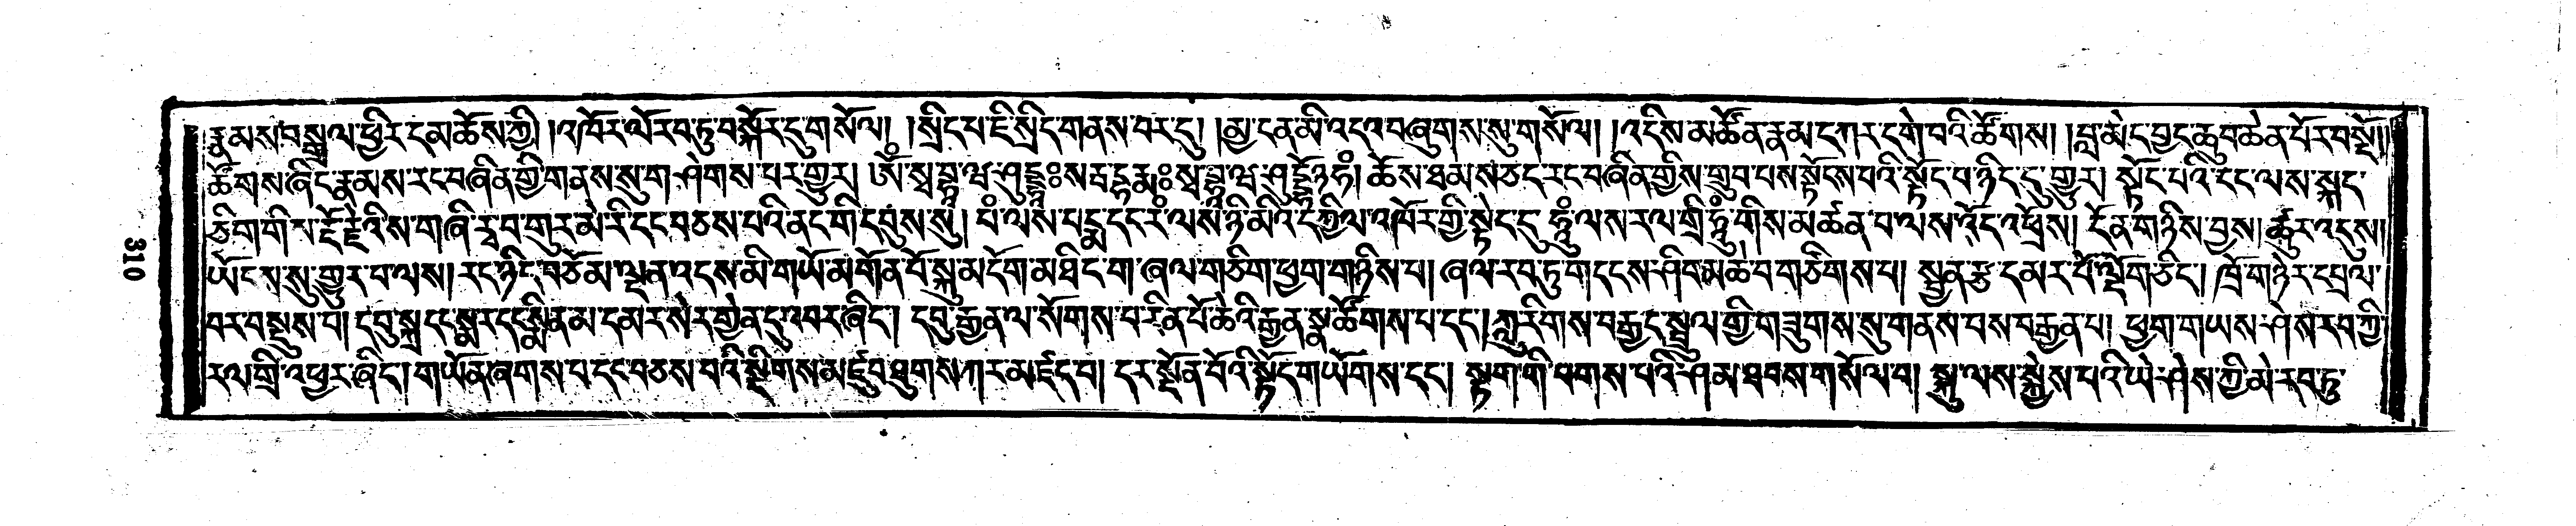རྣམས་བསྒྲལ་ཕྱིར་དམ་ཆོས་ཀྱི། །འཁོར་ལོ་རབ་ཏུ་བསྐོར་དུ་གསོལ། །སྲིད་པ་ཇི་སྲིད་གནས་བར་དུ། །མྱ་ངན་མི་འདའ་བཞུགས་སུ་གསོལ། །འདིས་མཚོན་རྣམ་དཀར་དགེ་བའི་ཚོགས། །བླ་མེད་བྱང་ཆུབ་ཆེན་པོར་བསྔོ། །
ཚོགས་ཞིང་རྣམས་རང་བཞིན་གྱི་གནས་སུ་གཤེགས་པར་གྱུར། ཨོཾ་སྭ་བྷཱ་ཝ་ཤུདྡྷཱཿ སརྦ་དྷརྨཿ སྭ་བྷཱ་ཝ་ཤུདྡྷོ་ཉཧཾ། ཆོས་ཐམས་ཅད་རང་བཞིན་གྱིས་གྲུབ་པས་སྟོངས་པའི་སྟོང་པ་ཉིད་དུ་གྱུར། སྟོང་པའི་ངང་ལས་སྐད་
ཅིག་གིས་རྡོ་རྗེའི་ས་གཞི་རྭ་བ་གུར་མེ་རི་དང་བཅས་པའི་ནང་གི་དབུས་སུ། པཾ་ལས་པདམ་དང་རཾ་ལས་ཉི་མའི་དཀྱིལ་འཁོར་གྱི་སྟེང་དུ་ཧཱུཾ་ལས་རལ་གྲི་ཧཱུཾ་གིས་མཚན་པ་ལས་འོད་འཕྲོས། དོན་གཉིས་བྱས། ཚུར་འདུས།
ཡོངས་སུ་གྱུར་པ་ལས། རང་ཉིད་བཅོམ་ལྡན་འདས་མི་གཡོ་མགོན་པོ་སྐུ་མདོག་མཐིང་ག་ཞལ་གཅིག་ཕྱག་གཉིས་པ། ཞལ་རབ་ཏུ་གདངས་ཤིང་མཆེ་བ་གཙིགས་པ། སྤྱན་རྩ་དམར་པོ་ལྡོག་ཅིང་། ཁྲོ་གཉེར་དཔྲལ་
བར་བསྡུས་པ། དབུ་སྐྲ་དང་སྨྲ་ར་དང་སྨིན་མ་དམར་སེར་གྱེན་དུ་འབར་ཞིང་། དབུ་རྒྱན་ལ་སོགས་པ་རིན་པོ་ཆེའི་རྒྱན་སྣ་ཚོགས་པ་དང་། ཀླུ་རིགས་བརྒྱད་སྤྲུལ་གྱི་གཟུགས་སུ་གནས་པས་བརྒྱན་པ། ཕྱག་གཡས་ཤེས་རབ་ཀྱི་
རལ་གྲི་འཕྱར་ཞིང་། གཡོན་ཞགས་པ་དང་བཅས་པའི་སྡིགས་མཛུབ་ཐུགས་ཀར་མཛད་པ། དར་སྔོན་པོའི་སྟོད་གཡོགས་དང་། སྟག་གི་པགས་པའི་ཤམ་ཐབས་གསོལ་བ། སྐུ་ལས་སྐྱེས་པའི་ཡེ་ཤེས་ཀྱི་མེ་རབ་ཏུ་